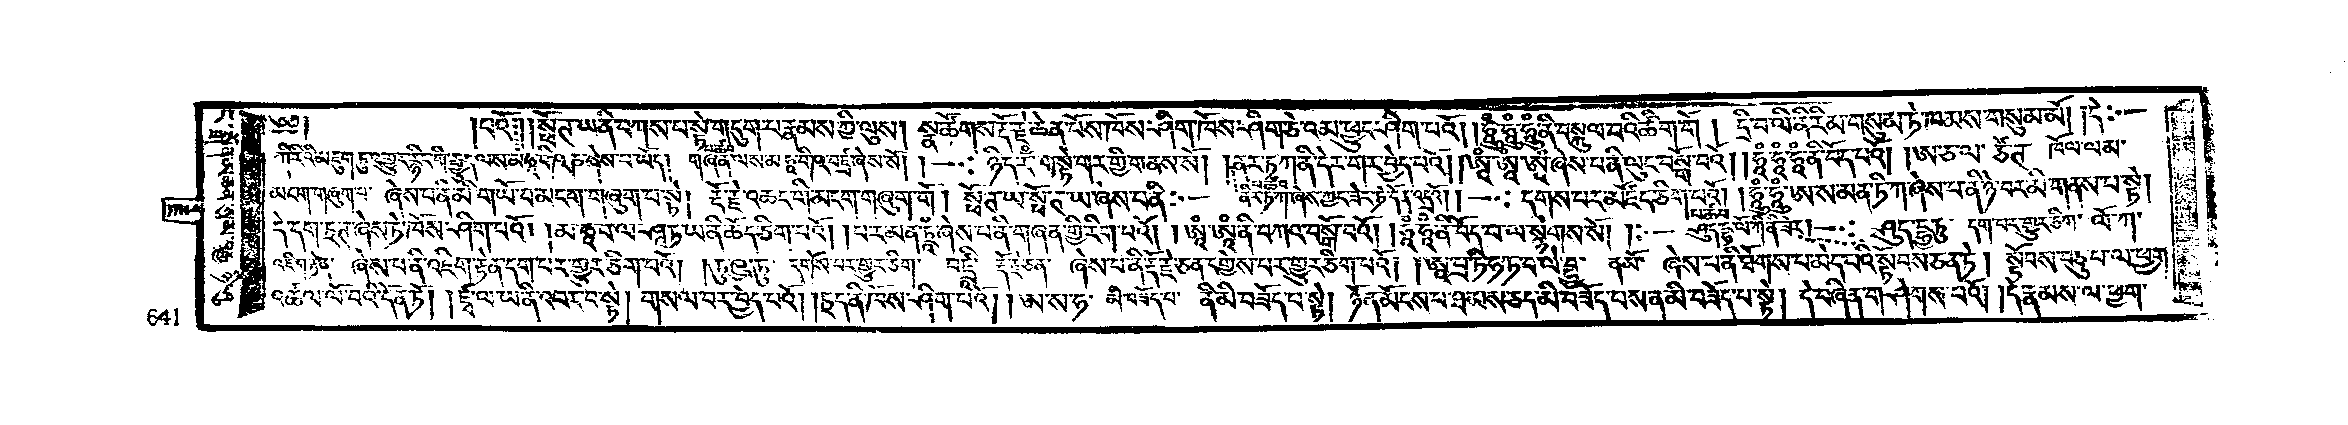༄༅། །པའོ། །སྤོ་ཊ་ཡ་ནི་བཀས་པ་སྟེ་གདུག་པ་རྣམས་ཀྱི་ལུས། སྣ་ཚོགས་རྡོ་རྗེ་ཆེན་པོས་ཁོས་ཤིག་ཁོས་ཤིག་ཅེ་འམ་ཕྱུང་ཤིག་པའོ། །ཧཱུཾ་ཧཱུཾ་ཧཱུཾ་ནི་བསྐུལ་བའི་ཚིག་གོ །དྲི་བ་ལི་ནི་རིམ་གསུམ་ཏེ་ཁམས་གསུམ་མོ། །དེཿ
ཀི་རིའི་མཇུག་ཏུ་འགྱུར་རྙིང་གི་རྒྱུད་ལས་མ་ཉཱ་བི་ཥ་ཎ་ཞེས་པ་ཡོད། གཞན་པ་ཚབ་ལས་མ་ཧཱ་བི་ཥ་བཛྲ་ཞེས་སོ། །.H ཉིད་རཾ་ག་སྟེ་གར་གྱི་གནས་སོ། །ནར་ཏ་ཀ་ནི་དེར་གར་བྱེད་པའོ། །ཨཱཾ་ཨཱཾ་ཨཱཾ་ཞེས་པ་ནི་ལུང་བསྒོ་བའོ། །ཧཱཾ་ཧཱཾ་ཧཱཾ་ནི་བོད་པའོ། །ཨ་ཅ་ལ་རྩེ་ཊ་ཁོལ་ལམ་
མངག་གཞུག་པ་ཞེས་པ་ནི་མི་གཡོ་བ་མངག་གཞུག་པ་སྟེ། རྡོ་རྗེ་འཆང་གི་མངག་གཞུག་གོ །སྥོ་ཊ་ཡ་སྥོ་ཊ་ཡ་ཞེས་པ་ནིཿ་ནིར་པ་ཚབ་ཏ་ཀ་ཞེས་ཀྱང་ཟེར་ཏེ་དོན་འདྲའོ།།.H དགས་པར་མཛད་ཅིག་པའོ། །ཧཱུཾ་ཧཱུཾ་ཨ་ས་མན་ཏི་ཀ་ཞེས་པ་ནི་ཉེ་བར་མི་གནས་པ་སྟེ།
དེ་དག་ཏྲ་ཊ་ཞེས་ཏེ་ཁོས་ཤིག་པའོ། །མཧཱ་བ་ལ་ཤཱ་ཏ་ཡ་ནི་ཆོད་ཅིག་པའོ། །པ་ར་མན་ཏྲཱཾ་ཞེས་པ་ནི་གཞན་གྱི་རིག་པའོ། །ཨཱཾ་ཨཱཾ་ནི་བཀའ་བསྒོ་བའོ། །ཧཱཾ་ཧཱཾ་ནི་བོད་པ་ལ་སྙེགས་སོ། །H.་པ་ཚབ་ཤུད་དྷ་ལོ་ཀི་ནི་ཟེར།.H ཤུད་དྷྱ་ཏུ་དག་པར་གྱུར་ཅིག་ལོ་ཀ་
འཇིག་རྟེན་ཞེས་པ་ནི་འཇིག་རྟེན་དག་པར་གྱུར་ཅིག་པའོ། །ཏུ་ཥྱ་ཏུ་དགེགས་པར་གྱུར་ཅིག་བཛྲཱི་རྡོ་རྗེ་ཅན་ཞེས་པ་ནི་རྡོ་རྗེ་ཅན་དགྱེས་པར་གྱུར་ཅིག་པའོ། །ཨཱ་པྲ་ཏི་ཧ་ཏ་བ་ལི་བྷྱ་ན་མོ་ཞེས་པ་ནི་ཐོགས་པ་མེད་པའི་སྟོབས་ཅན་ཏེ། སྟོབས་བཅུ་པ་ལ་ཕྱག་
འཚལ་ལོ་བའི་དོན་ཏོ། །ཛྭ་ལ་ཡ་ནི་འབར་བ་སྟེ། གསལ་བར་བྱེད་པའོ། །ཏྲད་ནི་ཁོས་ཤིག་པའོ། །ཨ་ས་ཧ་མི་བཟོད་པ་ནི་མི་བཟོད་པ་སྟེ། ཉོན་མོངས་པ་ཐམས་ཅད་མི་བཟོད་པ་ན་མི་བཟོད་པ་སྟེ། དེ་བཞིན་གཤེགས་པའོ། །དེ་རྣམས་ལ་ཕྱག་